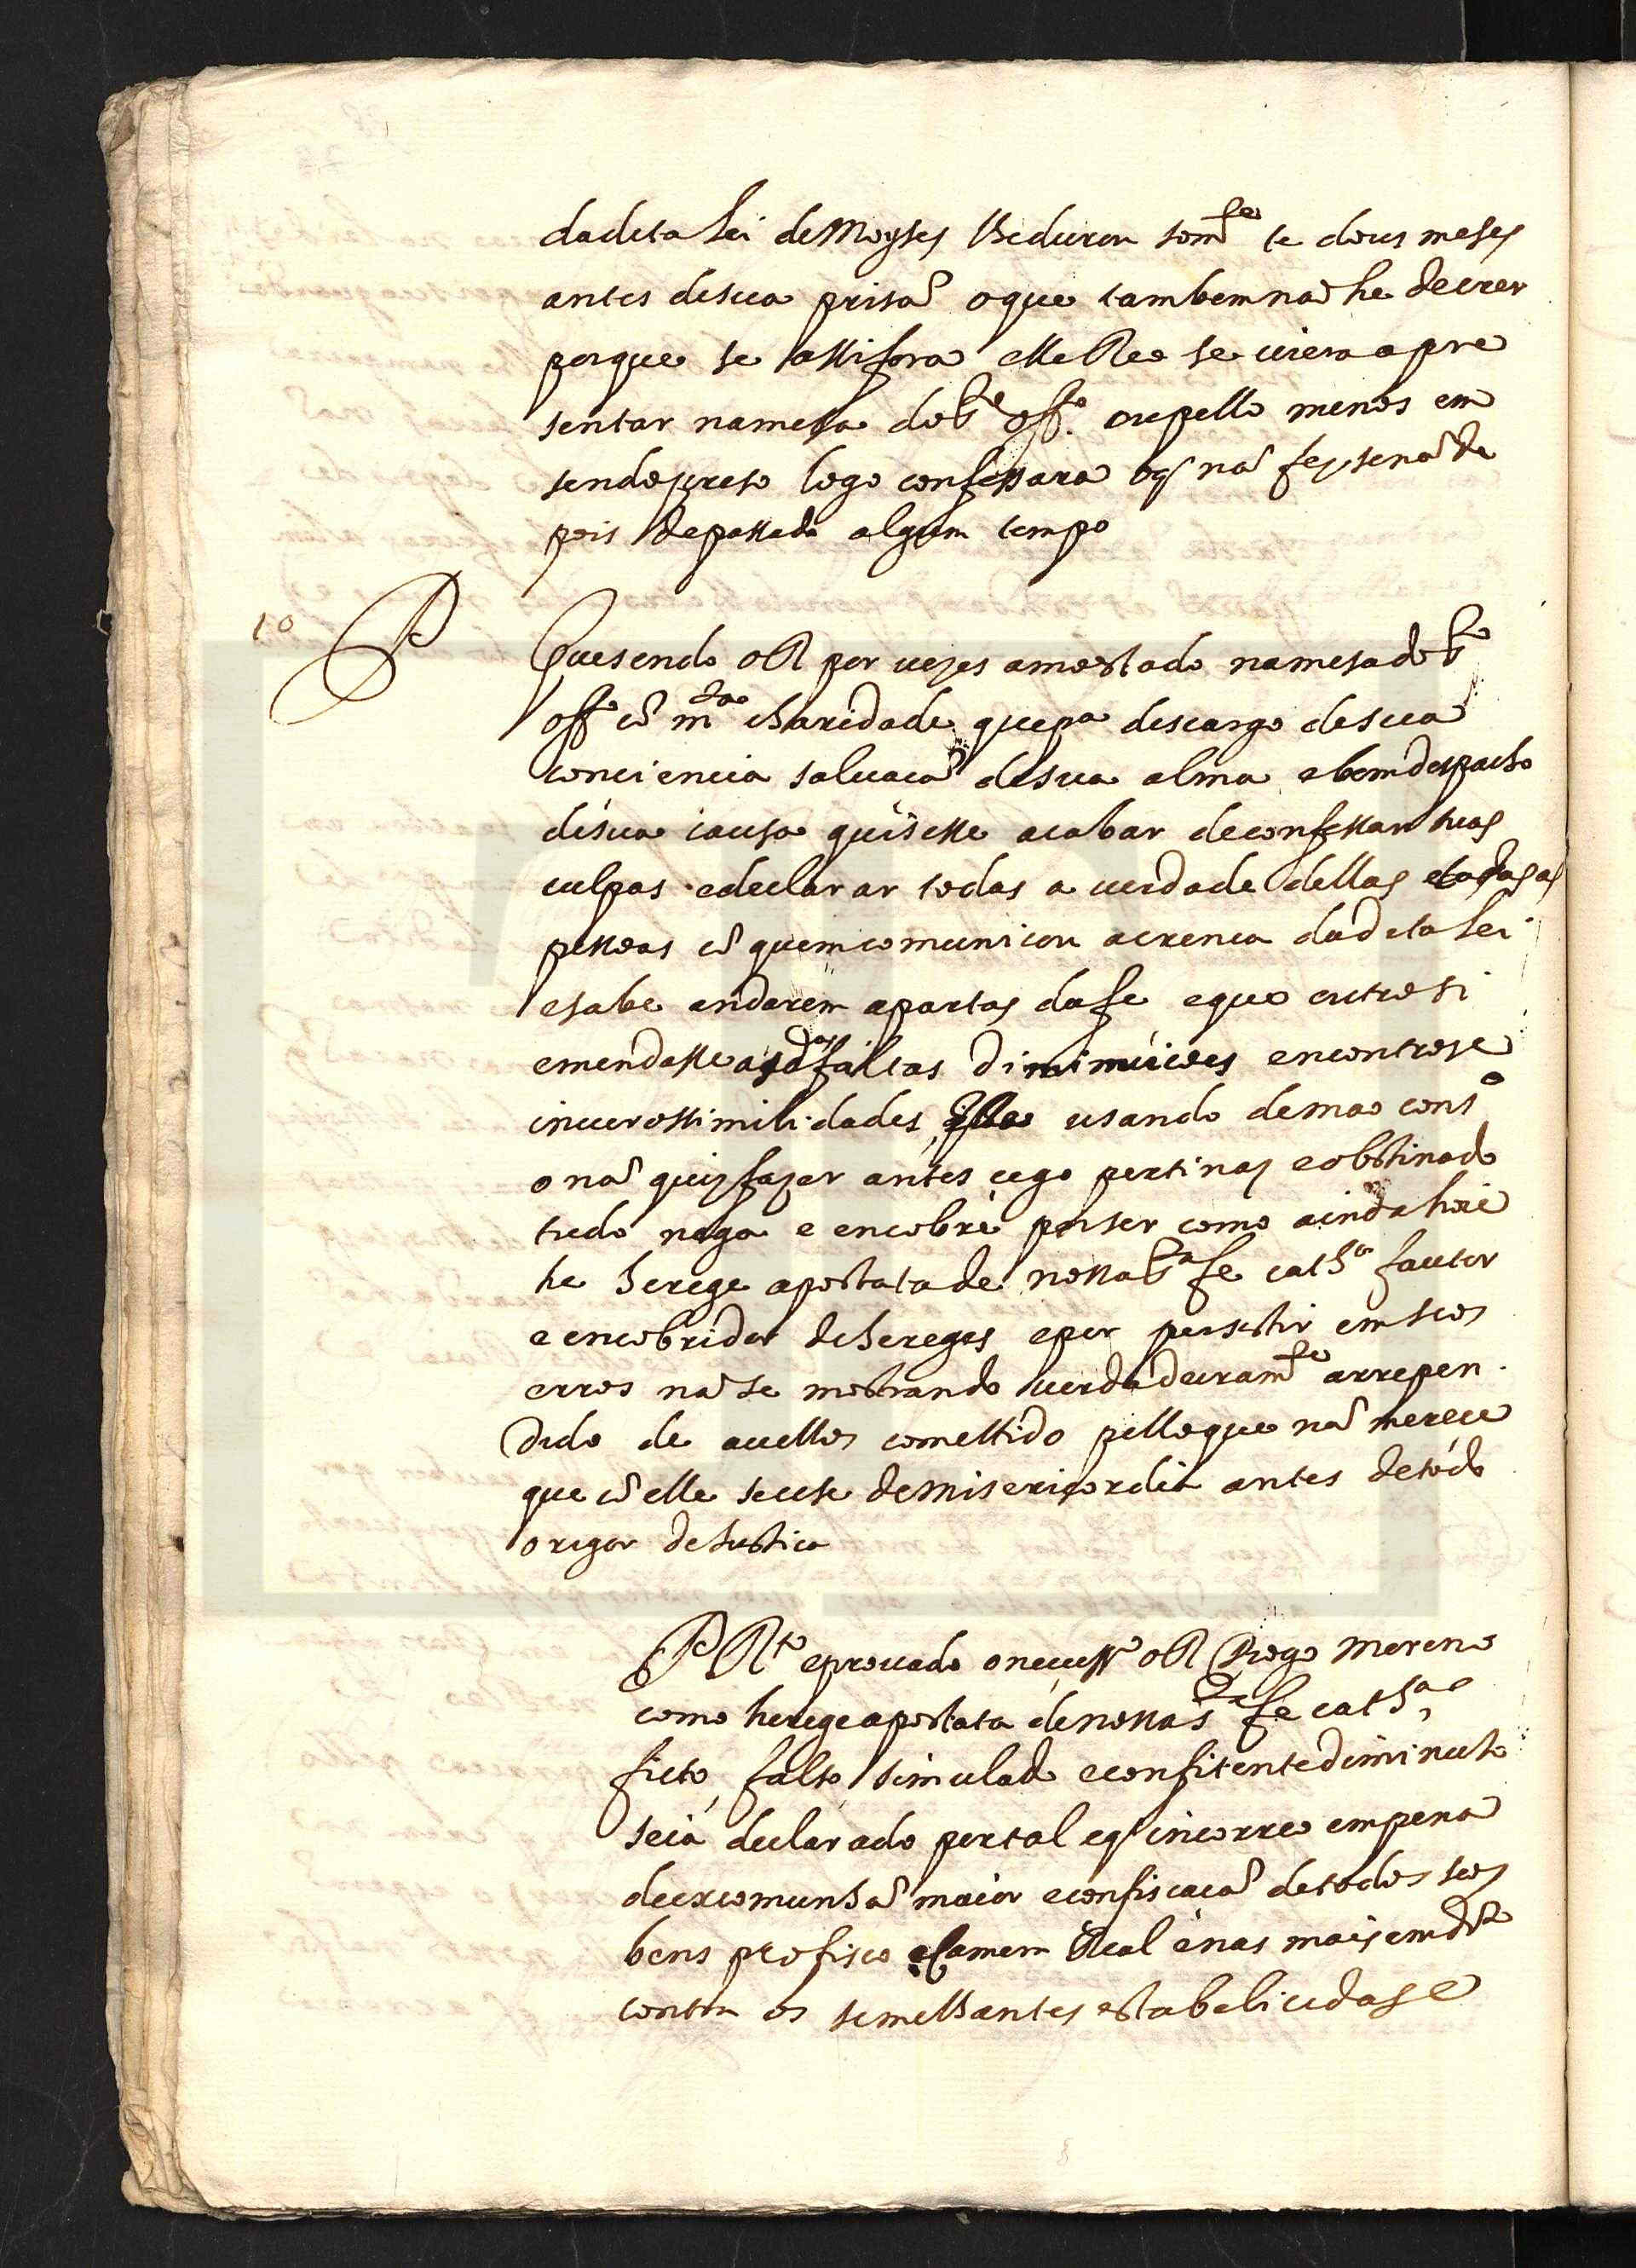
da dita lei de Moyses lhe durou somte te dous meses
antes de sua prisaõ o que tambem naõ he de crer
porque se assi fora elle Reo se uiera apre
sentar na messa do sto off.o ou pello menos em
sendo preso logo confessara o q̄ naõ fez se naõ de
pois de passado algum tempo
P Que sendo o R por uezes amoestado na mesa do sto
offo cō mta charidade que pa descargo de sua
conciencia saluaçaõ de sua alma e bom despacho
de sua causa quisesse acabar de confessar suas
culpas e declarar todas a uerdade dellas e todas as
pessoas cō quem comunicou a crença da dita lei
e sabe andarem apartas da fe e que outrosi
emendasse as das faltas diminuiçoes encontros e
inuerossimilidades, Elle usando de mao conso
o naõ quiz fazer antes cego pertinaz e obstinado
tudo nega e encobre por ser como ainda hoie
he herege apostata de nossa sta fe catha fautor
e encobridor de hereges e por persestir em seos
erros nā se mostrando uerdadeiram.te arrepen
dido de auellos comettido pello que naõ merece
que cō elle se use de misericordia antes de todo
o rigor de Iustiça
P Rto e prouado o neccesso o R Diogo moreno
como herege apostata de nossa sta fe catha
ficto, falso, simulado, e confitente diminuto
seia declarado por tal e q̄ incorreo em pena
de excomunhaõ maior e confiscaçaõ de todos seos
bens pa o fisco e Camera Real e nas mais em drto
contra os semelhantes estabelicidas e
